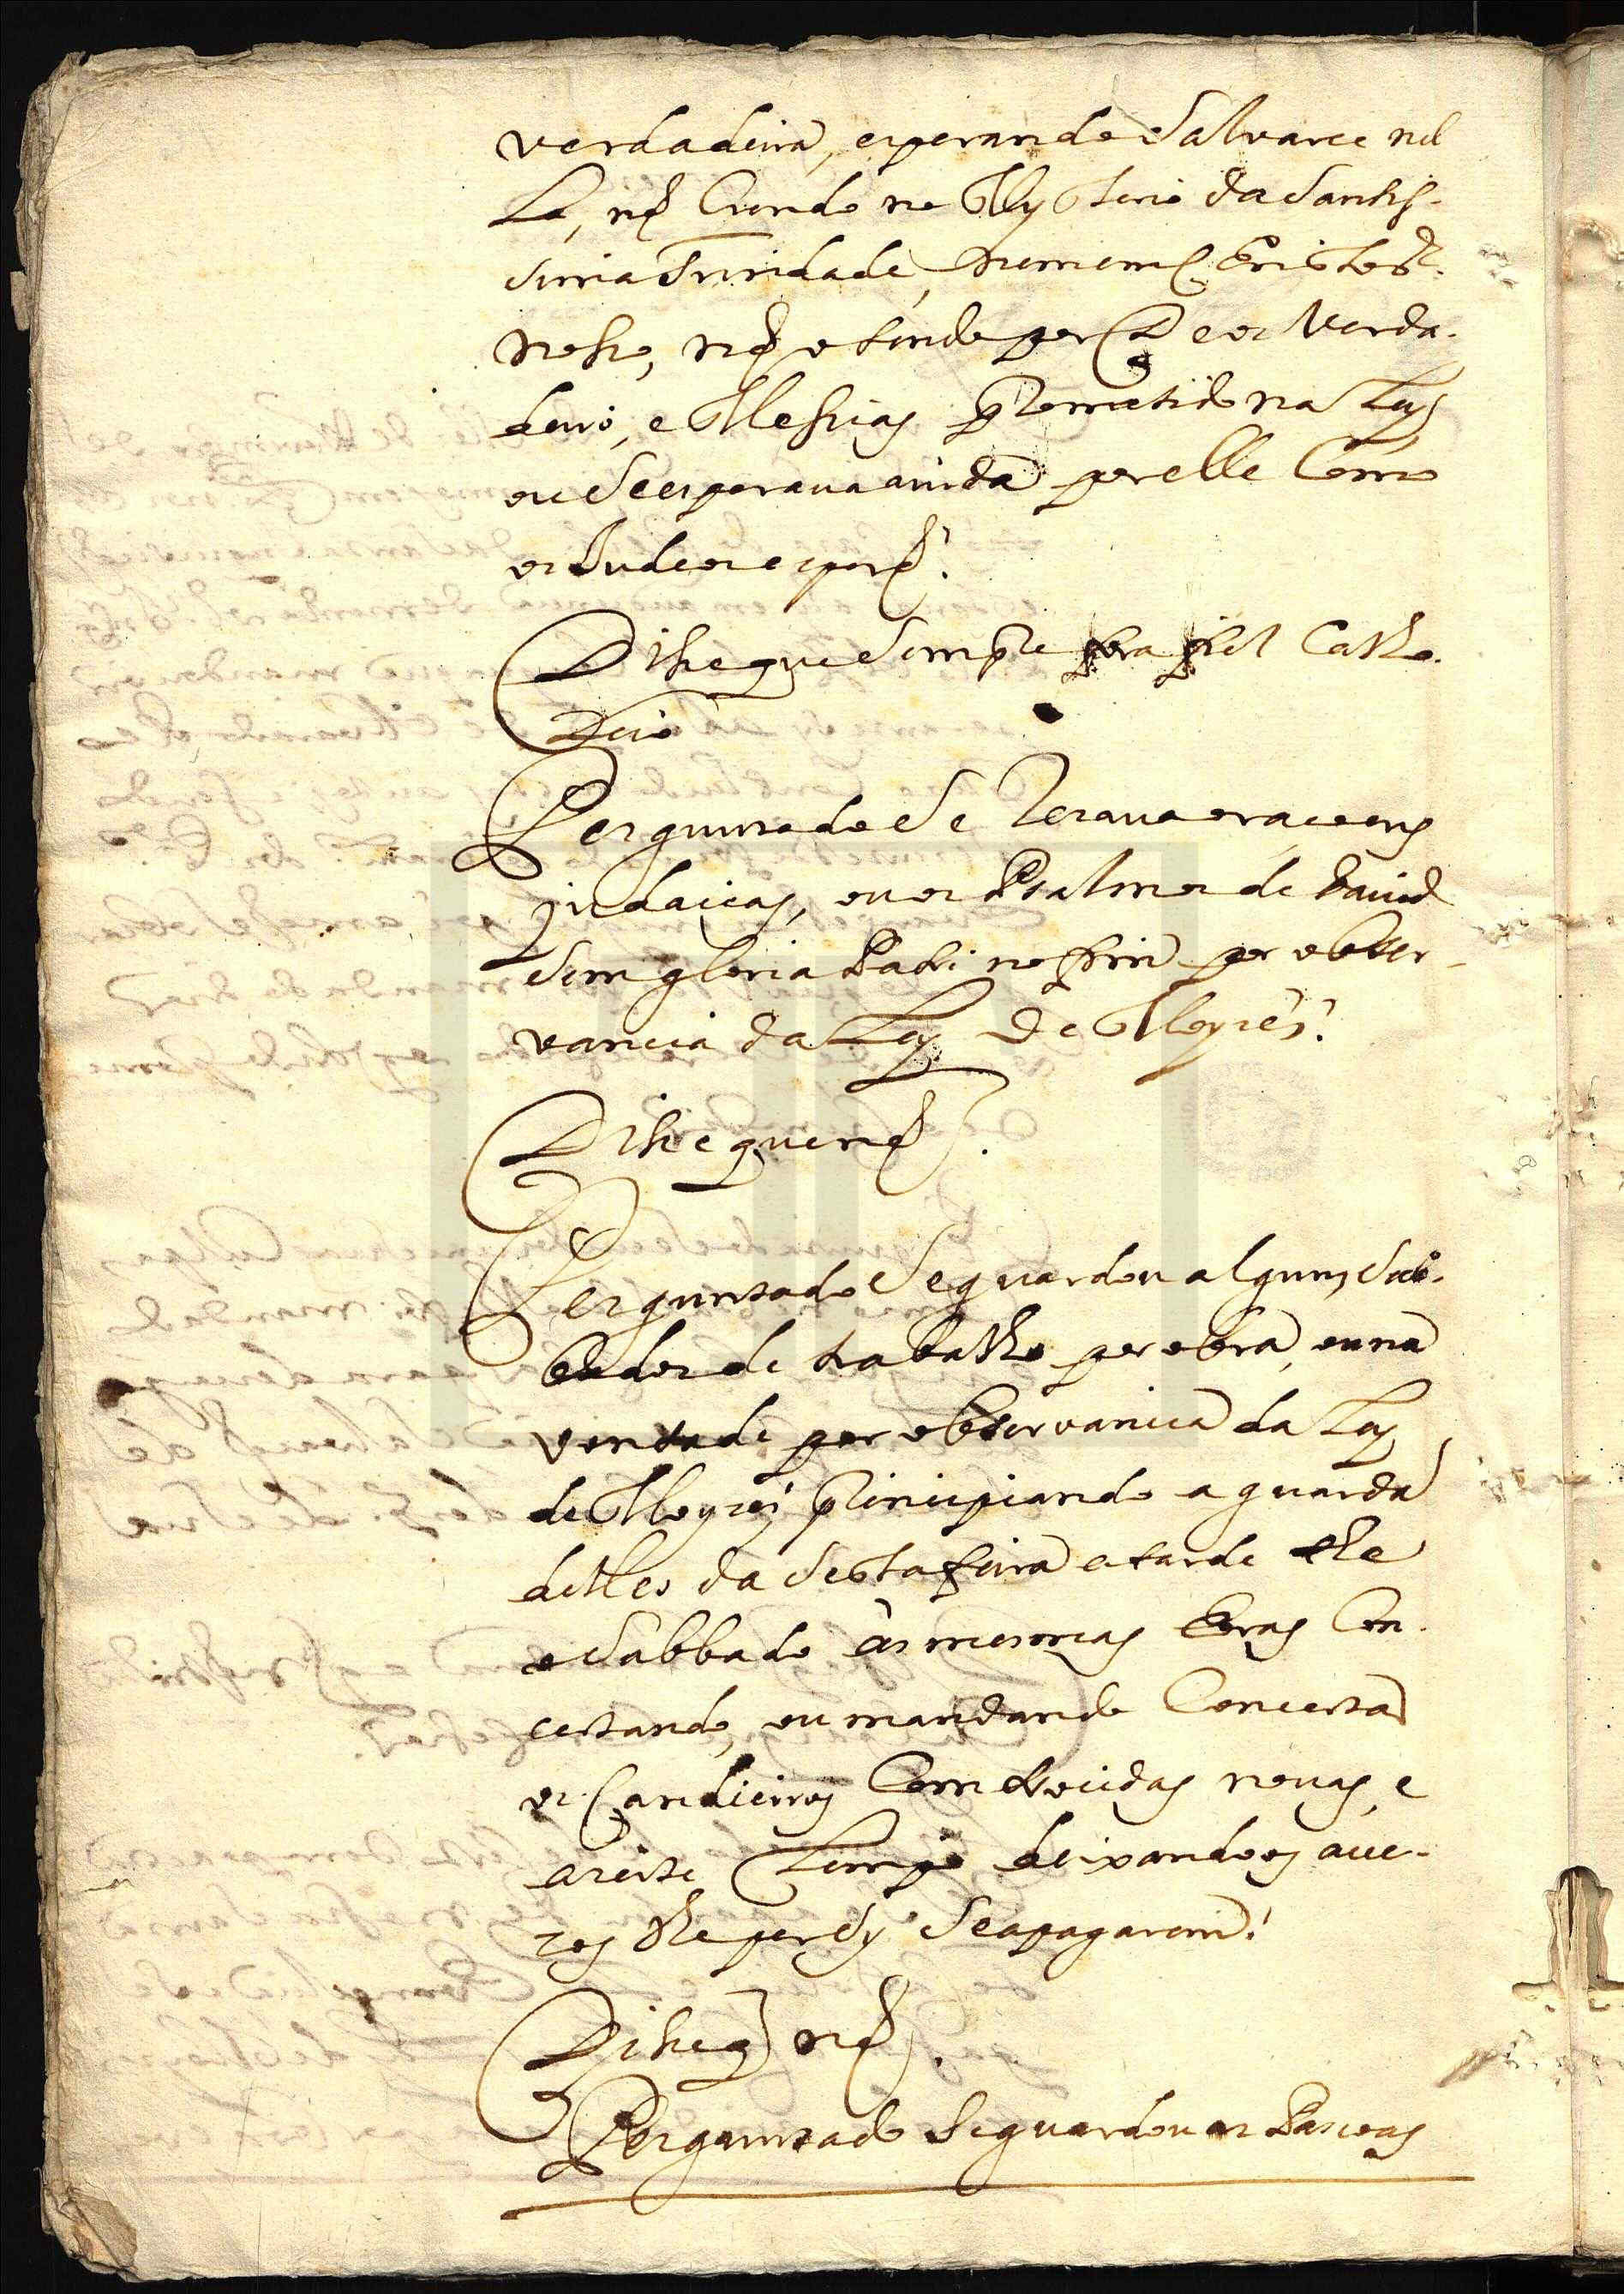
verdadeira, esperando salvarce nel
La, naõ Crendo no Mysterio da Santis
sima Trindade, nem em Cristo sor.
nosso, naõ o tendo por Deos Verda
deiro, e Messias prometido na Ley
ou se esperaua ainda por elle Como
os Iudeos esperaõ?
Disse que sempre fora fiel Catho.
Lico
Perguntado Se Rezaua oraçoens
judaicas, ou os Psalmos de Dauid
Sem gloria Patri no fim por obser
vancia da Ley de Moyzés?
Disse que naõ
Perguntado se guardou alguns Sab
bados de trabalho por obra, ou na
verdade por observancia da Ley,
de Moyzes, pRincipiando a guarda
delles da sesta feira a tarde the
o Sabbado às mesmas horas Con
certando ou mandando Concertar
os Candieiros Com trocidas nouas, e
azeite Limpo, deixandoos acce
zos the per Sy se apagarem?
Disse q̄ naõ.
Perguntado se guardou as Pascoas
